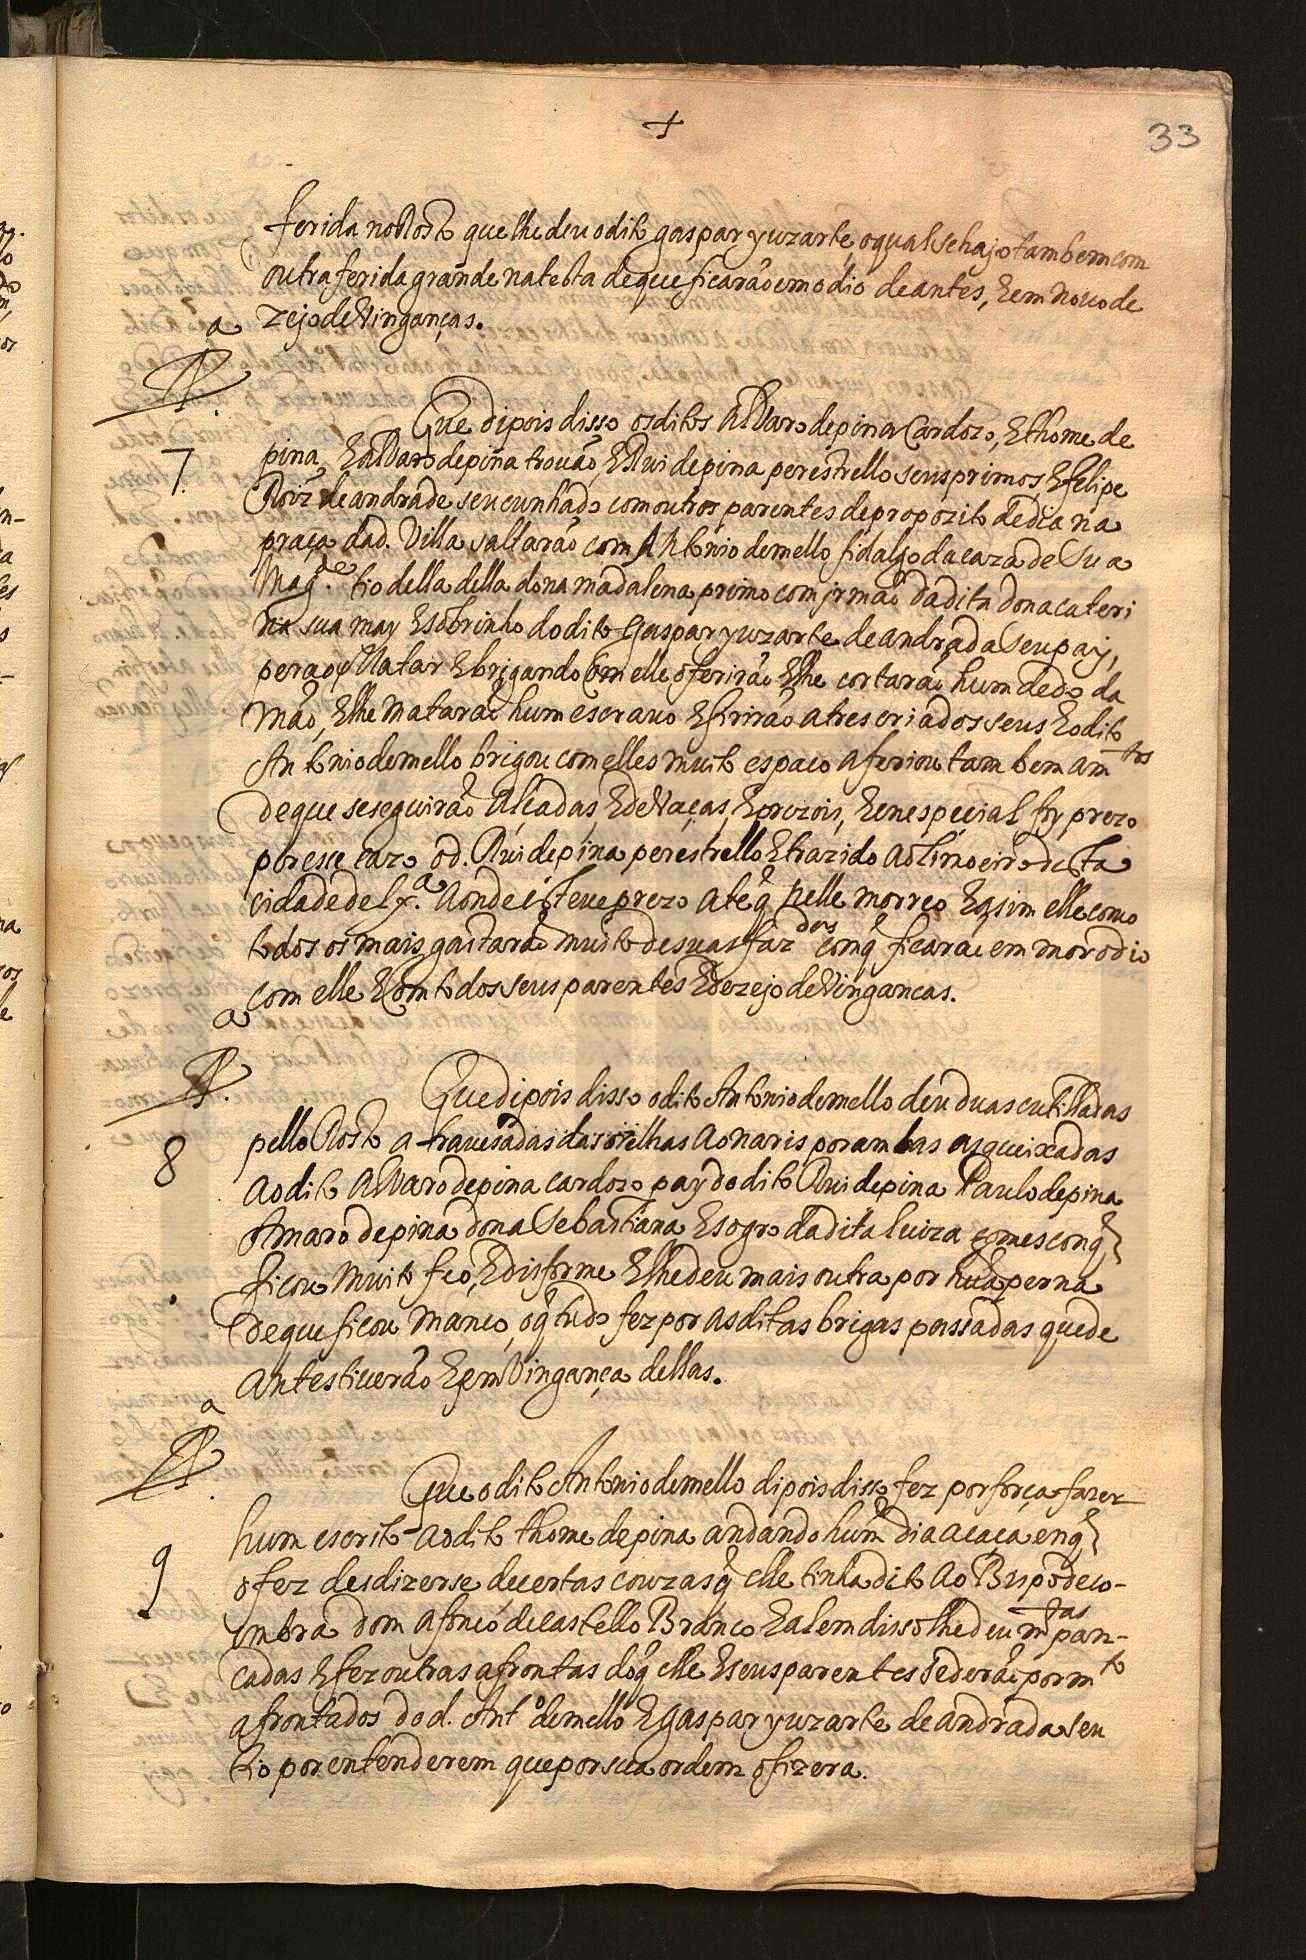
ferida no Rosto que lhe deu o dito gaspar yuzarte, o qual se haja tambem com
outra ferida grande na testa de que ficarão em odio de antes, E em nouo de
zejo de Vinganças.
Pa Que dipois disso os ditos aluaro de pina Cardozo, E thome de
7. pina, E alvaro de pina trouão, E Rui de pina perestrello seus primos, E felipe
Roiz̄ de andrade seu cunhado com outros parentes de propozito de dia na
praça da d. Villa saltarão com Antonio de mello fidalgo da caza de sua
Mag.de tio della della dona madalena primo com jrmão da dita dona cateri
na sua may E sobrinho do dito Gaspar yuzarte de andrada seu pay,
pera o Matar E brigando Com elle o ferirão E lhe cortarão hum dedo da
mão, E lhe matarão hum escrauo E firirão a tres criados seus E o dito
Antonio de mello brigou com elles muito espaço a feriou tambem a mtos
de que se seguirão alçadas, E devaças, E prezois, E en especial foy prezo
por esse cazo o d. Rui de pina perestrello E trazido ao limoeiro desta
cidade de Lx.a aonde esteue prezo ate q̄ nelle morreo E asim elle como
todos os mais gastarão muito de suas fazdas com q̄ ficarão em mor odio
com ellle E Com todos seus parentes E dezejo de Vinganças.
Pa
8
Que dipois disso o dito Antonio de mello deu duas cutilladas
pello Rosto atrauesadas das orelhas ao naris por ambas as queixadas
ao dito Alvaro de pina cardozo pay do dito Rui de pina Paulo de pina
Amaro de pina dona sebastiana E sogro da dita luiza gomes con q̄
ficou muito feo, E disforme E lhe deu mais outra por huā perna
de que ficou manco, o q̄ tudo fez por as ditas brigas passadas que de
antes tiuerão E em vingança dellas.
Pa
9
Que o dito Antonio de mello dipois disso fez por força fazer
hum escrito ao dito thome de pina andando hum dia a caça en q̄
o fez desdizerse de certas couzas q̄ elle tinha dito ao Bispo de co
imbra dom afonco de castello Branco E alem disso lhe deu mtas pan
cadas E fez outras afrontas do q̄ elle E seus parentes se derão por m.to
afrontados do d. Anto de mello E gaspar yuzarte de andrada seu
tio por entenderem que por sua ordem o fizera.
